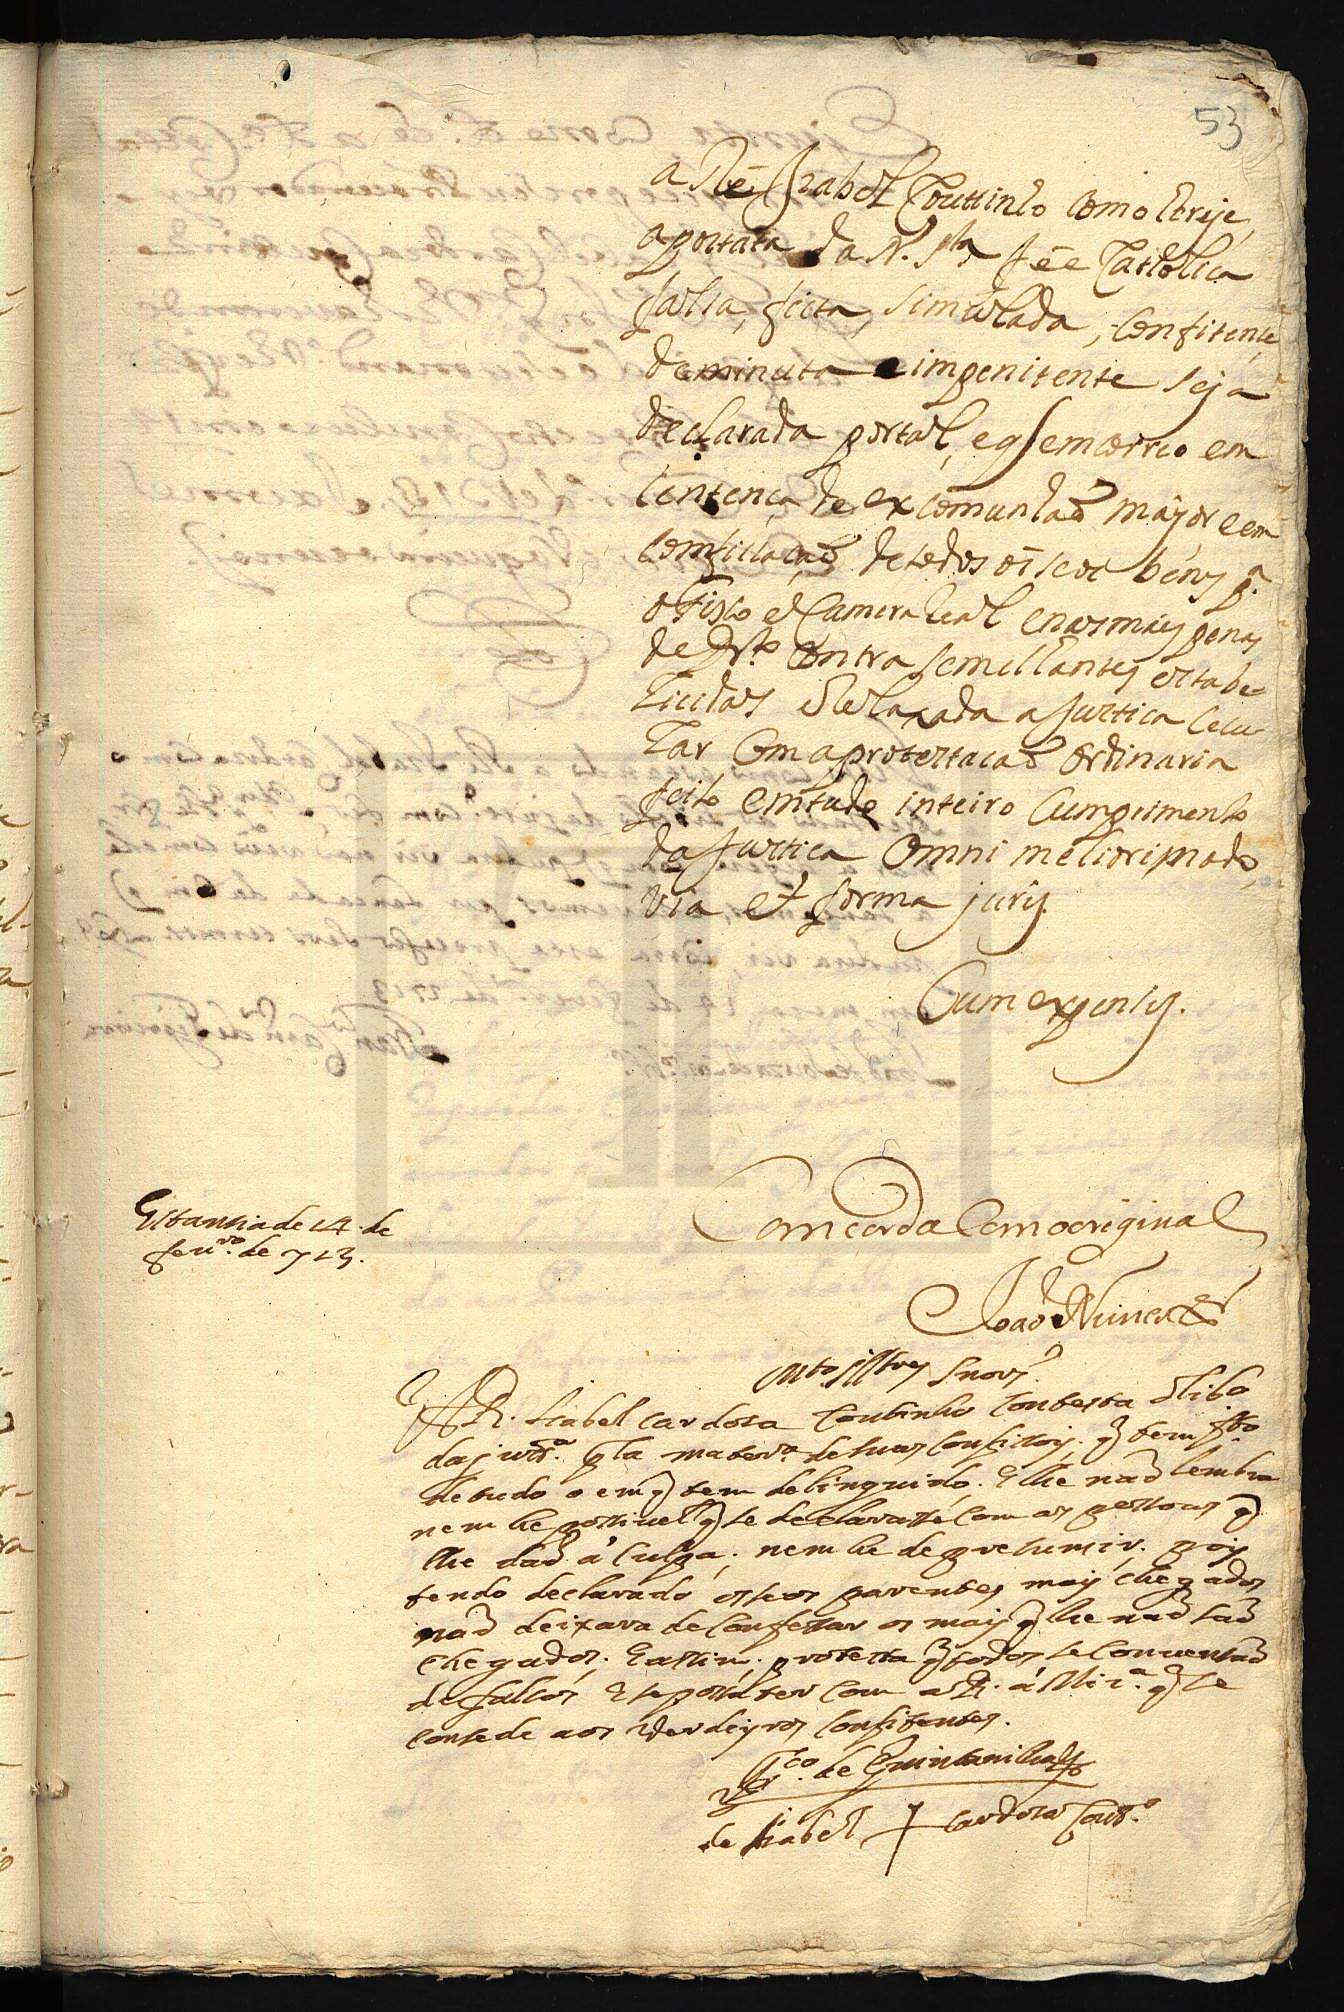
a Ré Jzabel Couttinho como hereje,
apostata da N. s.ta fée Catholica
falsa, ficta, simulada, Confitente
deminuta e impenitente seja
declarada por tal, e q̄ emcorreo em
centença de excomunhaõ mayor, com
comfiscaçaõ de todos os seos bens p.a
o Fisco, e Camera Real e nas mais penas
de Dr.to contra semelhantes estabe
licidas Relaxada a Justiça cecu
lar Com a protestaçaõ ordinaria
feito em tudo inteiro Cumprimento
da Justiça Omni meliori modo,
via et forma juris
Cum expensis.
Comcorda Com o original
Ioaõ Nunes xer
Estancia de 14. de
feu.ro de 713.
M.to Ill.tres Snors̄.
A R. Izabel Cardoza Coutinho contesta o lib.o
da just.a p̄.la mater.a de suas confisçois, q̄ tem f.to
de tudo o em q̄ tem delinguido, E lhe naõ lembra
nem he possiuel q̄ se declarasse com as pessoas q̄
lhe daõ á Culpa; nem he de presumir; pois
tendo declarado os seos parentes mais chegados
naõ deixava de Confessar os mais q̄ lhe naõ saõ
chegados. E assim; protesta q̄ todos se conuensaõ
de falsos E se possa ter com a R. a Miz.a q̄ se
consede aos verdeyros Confitentes.
Fr.co de Quintanilha
de Izabel
cardoza Cout.o
